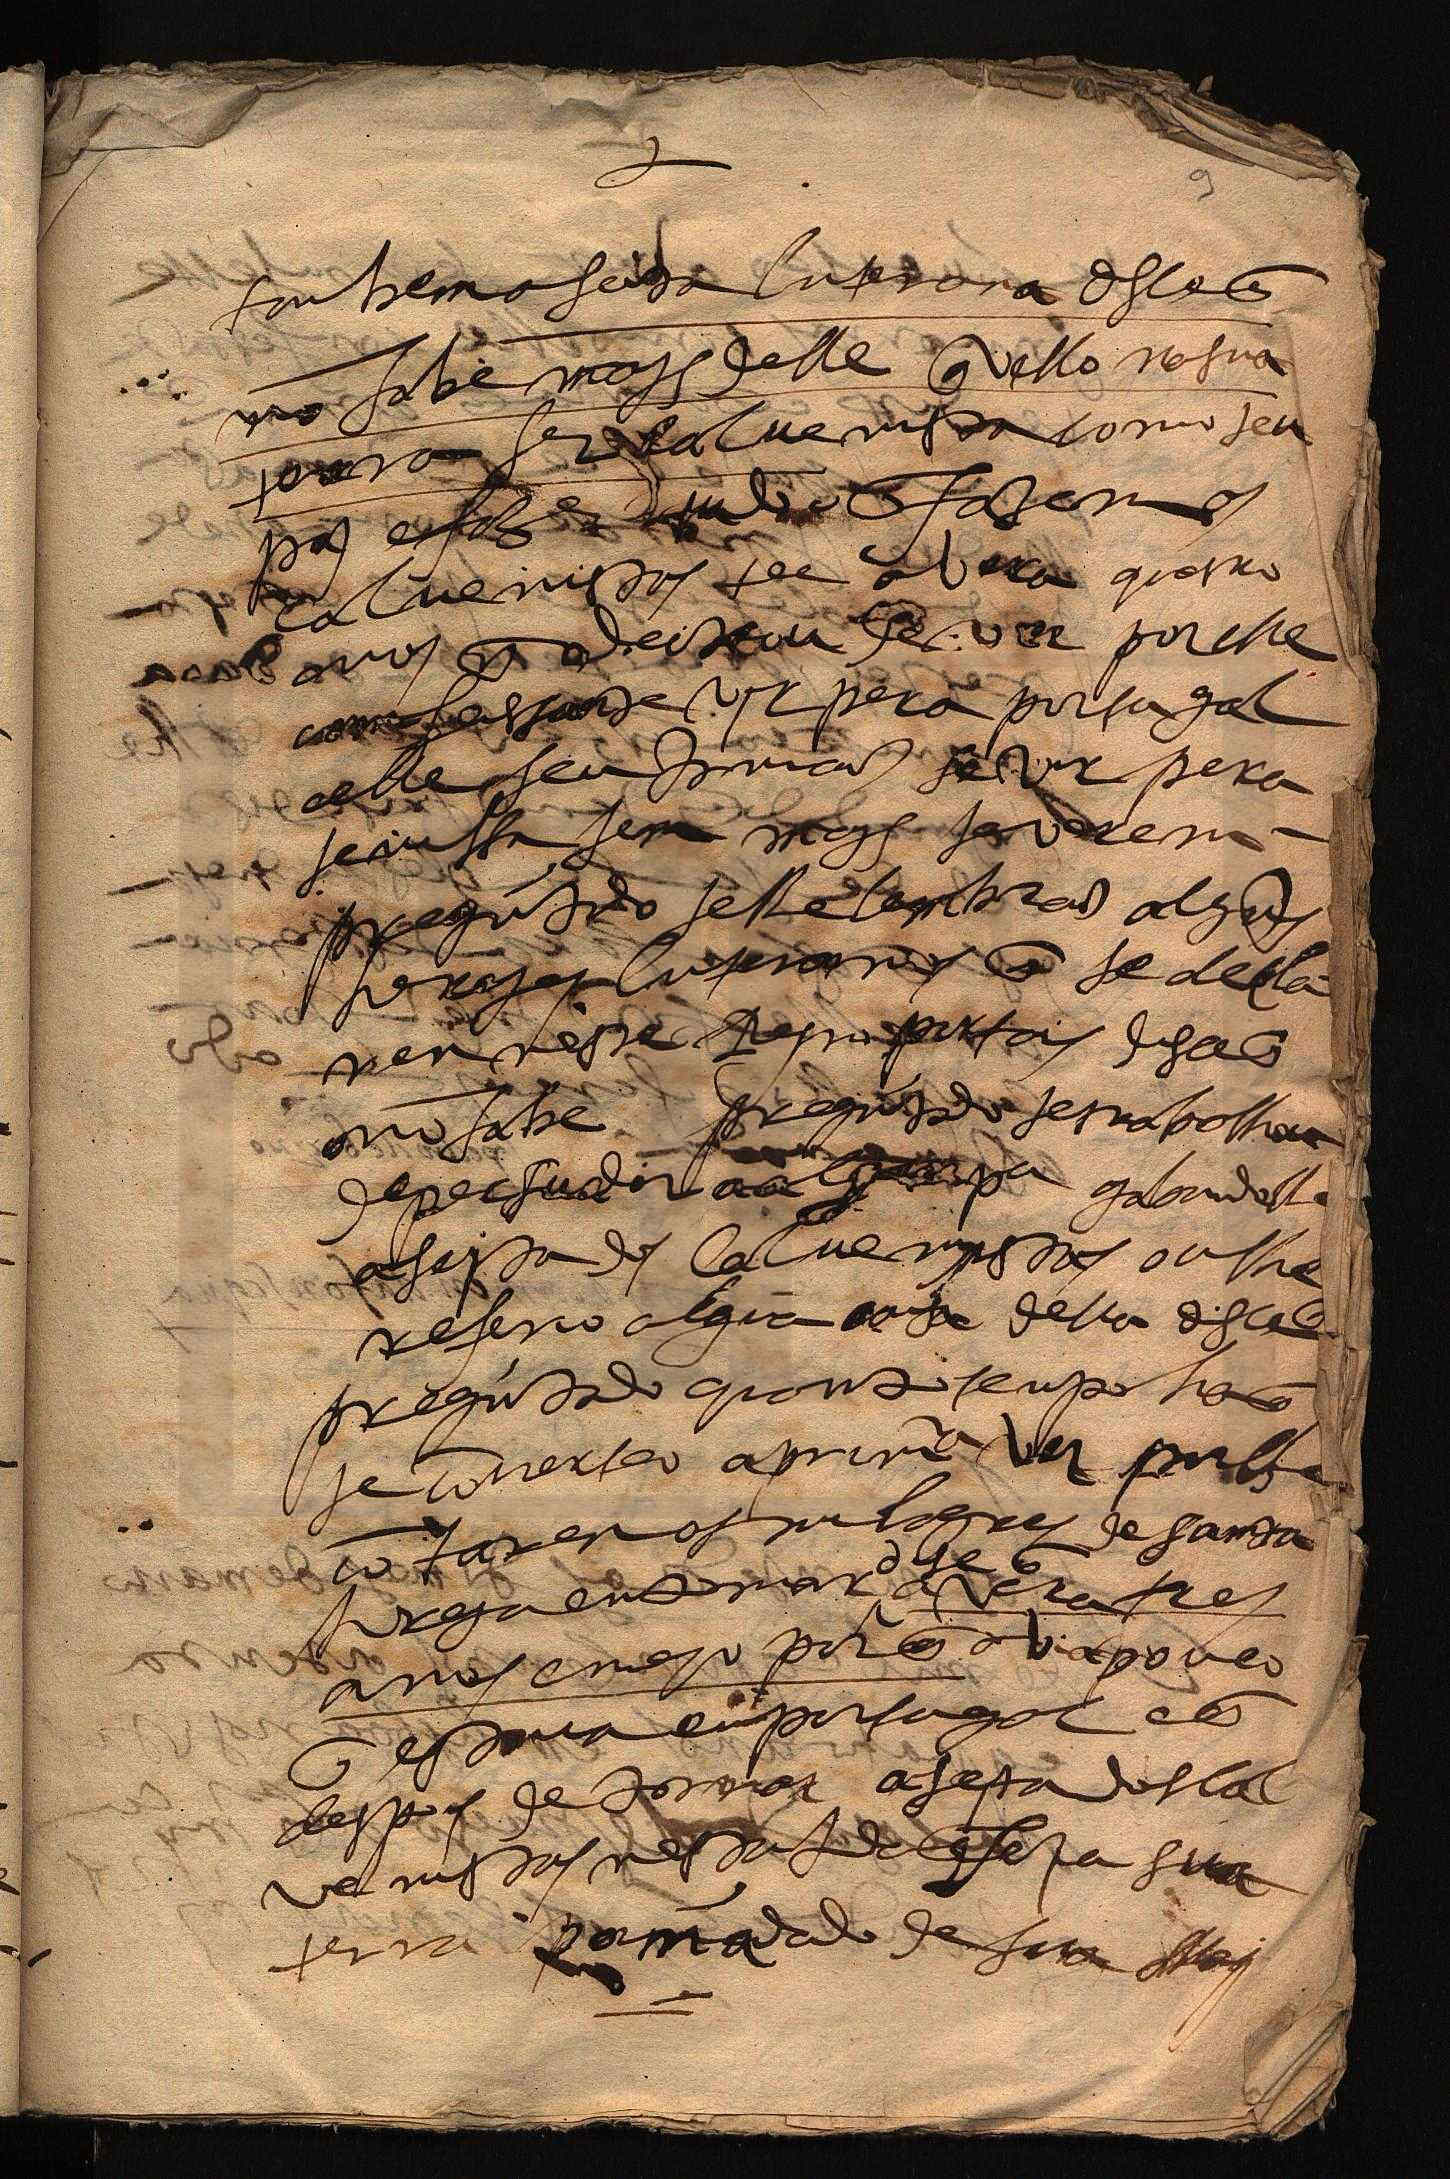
tambem a seita luterana disse q̄
nō sabe majs delle q̄ vello na sua
terra ser caluenista como seu
paj e fazer tudo o q̄ fazem os
caluenistas tee avera quatro
anos q̄ deixara de o ver por elle
comfessante vjr pera portugal
e elle seu Jrmaõ se vir pera
seuilha sem majs se verem
pregūtado se lhe lembraõ algūs
herejes luteranos q̄ se decla
rem neste Rejno por tais disse q̄
nō sabe pregūtado se trabalhou
de persuadir a algua pa gabandolhe
a sejta dos Caluenystas ou lhe
referio algūa cousa della disse q̄
pregūtado quanto tenpo ha q̄
se c̄ouerteo a primra vez por lhe
c̄otaren os milagres de samta
Jreja en tomar
dise q̄
avera tres
anos e mejo porq̄ avia pouco
q̄ estaua em portugal e q̄
despos de tornar a sejta dos Cal
venistas nesta Jda q̄ fez a sua
terra por mādado de sua Maj
